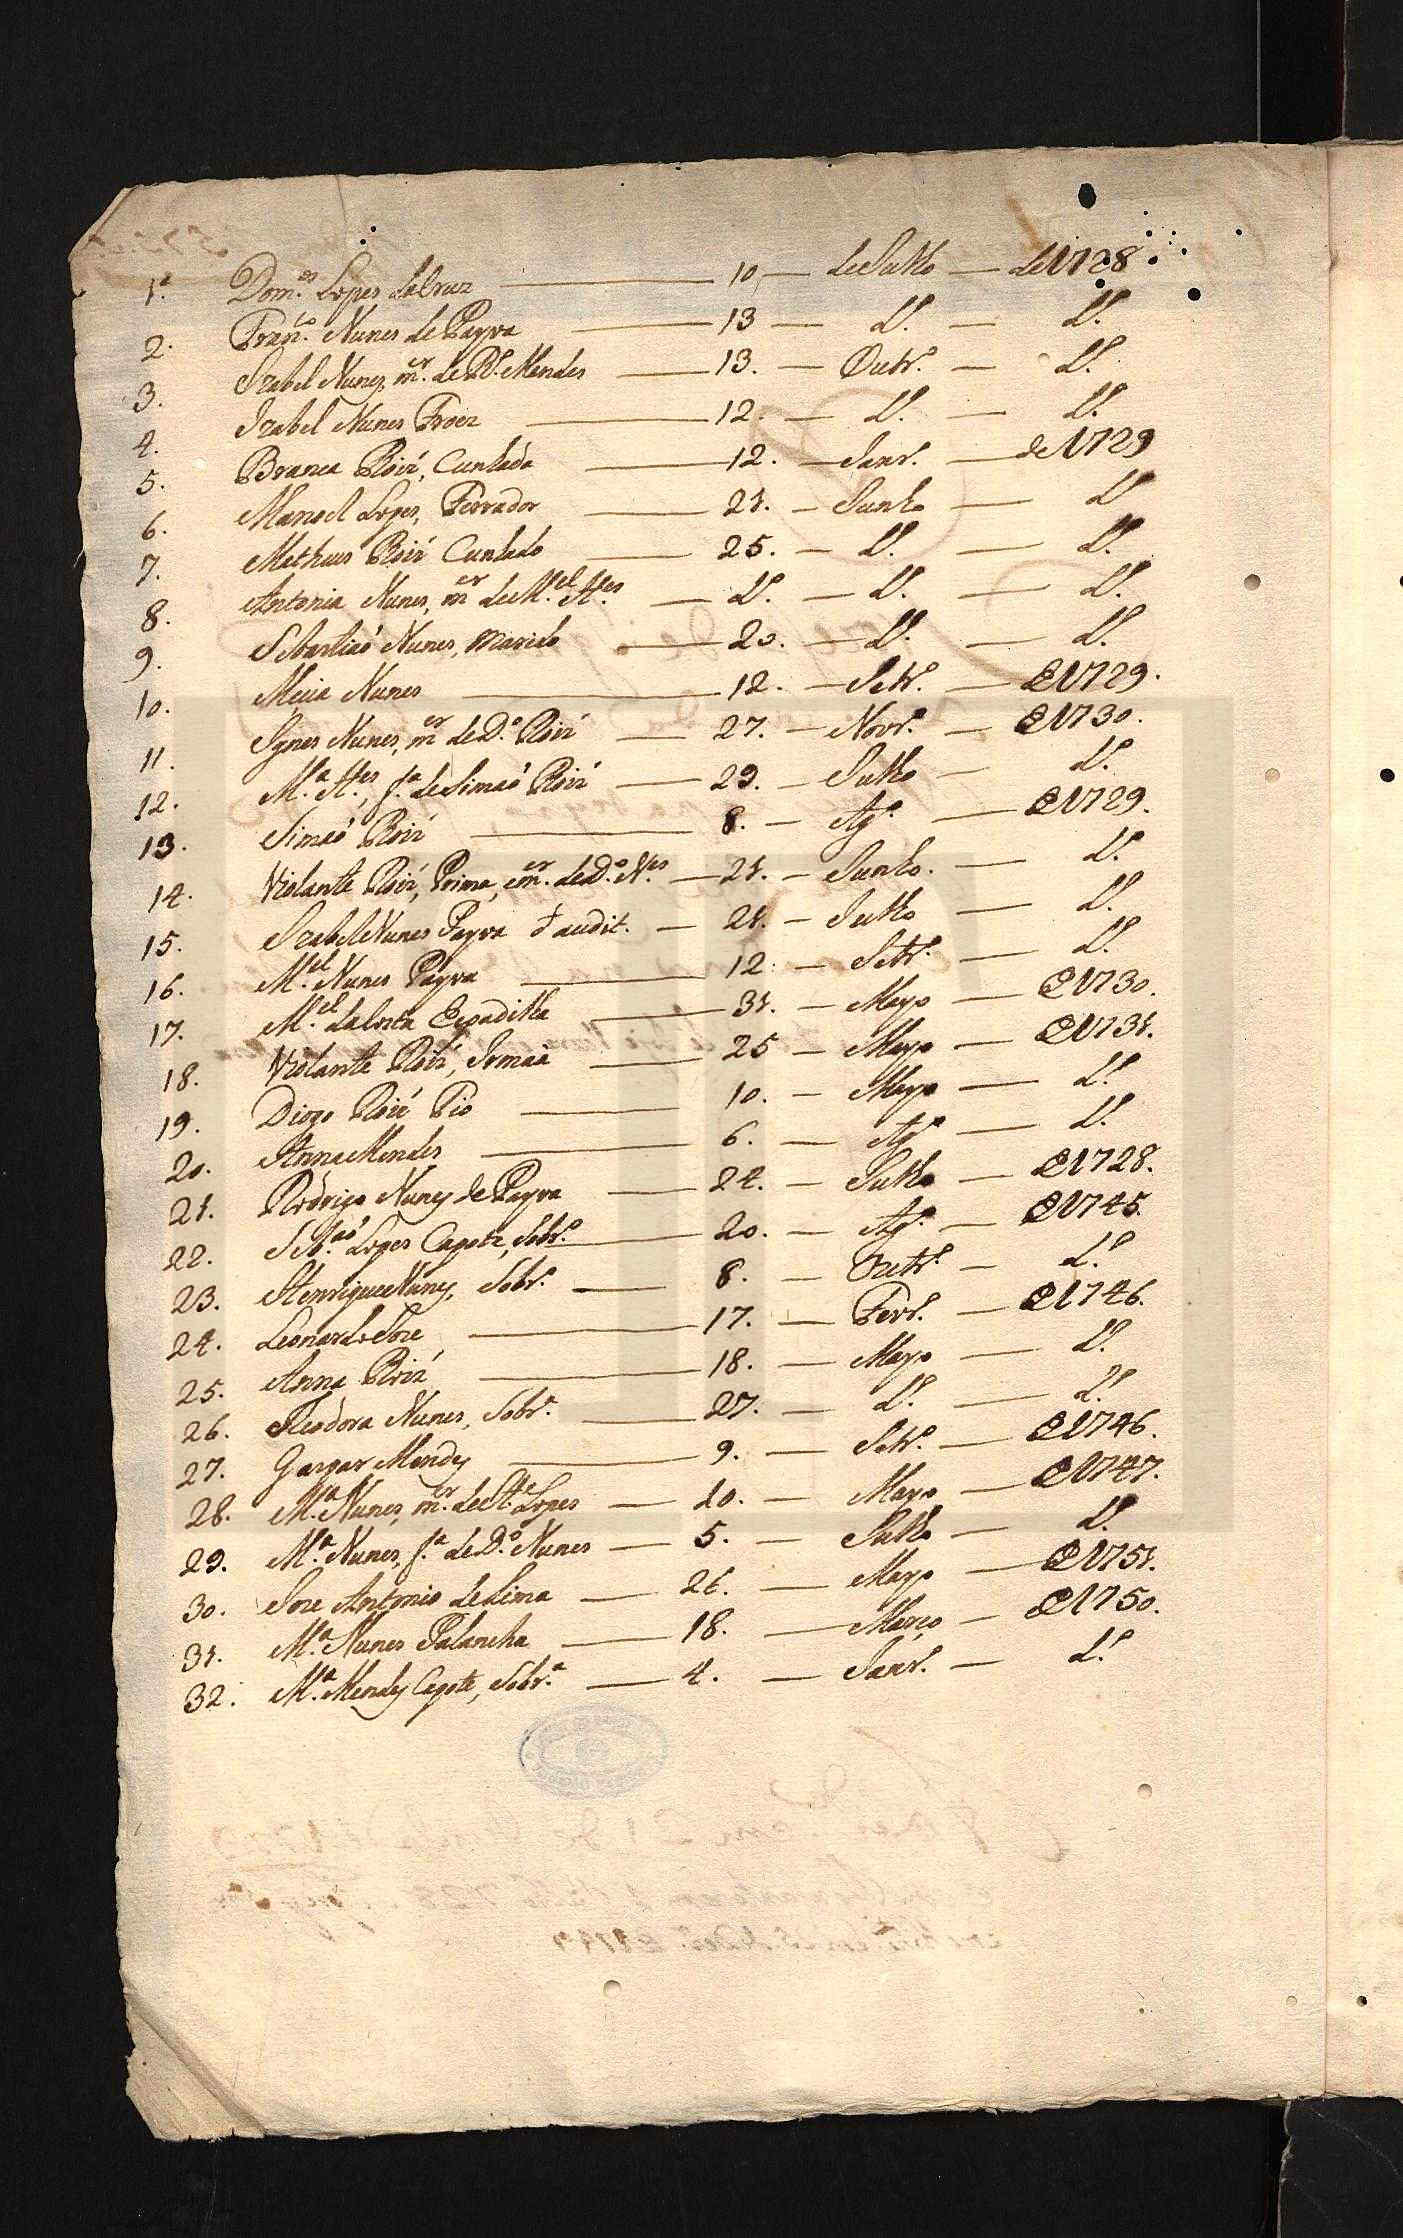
1.o
Dom.o Lopes da Cruz
10 - de Iulho - de 1728
2.
Fran.co Nunes de Payva
13
d.o
d.o
3.
Izabel Nunes m.er de R.o Mendes
13.
Outr.o
d.o
4.
Izabel Nunes Froez
12.
d.o
d.o
5.
Branca Roiz̄, Cunhada
12.
Ianr.o
de 1729
6.
Manoel Lopes, Ferrador
21.
Iunho
d.o
7.
Matheus Roiz̄ Cunhado
25.
d.o
d.o
8.
Antonia Nunes, mer de M.el H.es
d.o
d.o
d.o
9.
Sebastiaõ Nunes, marido
20.
d.o
d.o
10.
Meçia Nunes
12.
Setr.o
d̄ 1729
11.
Ignes Nunes, mer de D.o Roiz̄
27.
Novr.o
d̄ 1730.
12.
M.a H.es, f.a de Simaõ Roiz̄
29.
Iulho
d.o
13.
Simaõ Roiz̄
8.
Ag.o
d̄ 1729
14.
Violante Roiz̄, Prima, e m.er de D.o N.es
21.
Iunho.
d.o
15.
Izabel Nunes Payva d̄ audit.
21.
Iulho
d.o
16.
M.el Nunes Payva
12
Setr.o
d.o
17.
M.el da Costa Eepadilha
31.
Mayo
d̄ 1730.
18.
Violante Roiz̄, Irmaã
25
Mayo
d̄ 1731.
19.
Diogo Roiz̄ Tio
10.
Mayo
d.o
20.
Anna Mendes
6.
Ag.o
d.o
21.
Rodrigo Nunes de Payva
24.
Iulho
d̄ 1728.
22.
Seb.aõ Lopes Capote, Sobr.o
20.
Ag.o
d̄ 1745
23.
Henrique Nunes, Sobr.o
8.
Outr.o
d.o
24.
Leonardo Ioze
17.
Fevr.o
d̄ 1746.
25.
Anna Roiz̄
18.
Mayo
d.o
26.
Theodora Nunes, Sobr.a
27.
d.o
d.o
27.
Gaspar Mendes
9.
Setr.o
d̄ 1746.
28. M.a Nunes, m.er de H.e Lopes
10.
Mayo
d̄ 1747.
29. M.a Nunes, f.a de D.o Nunes
5.
Iulho
d.o
30. Ioze Antonio de Lima
26.
Mayo
d̄ 1751.
37. M.a Nunes Palancha
18.
Março
d̄ 1750.
32. M.a Mendes Capote, Sobr.a
4.
Ianr.o
d.o
